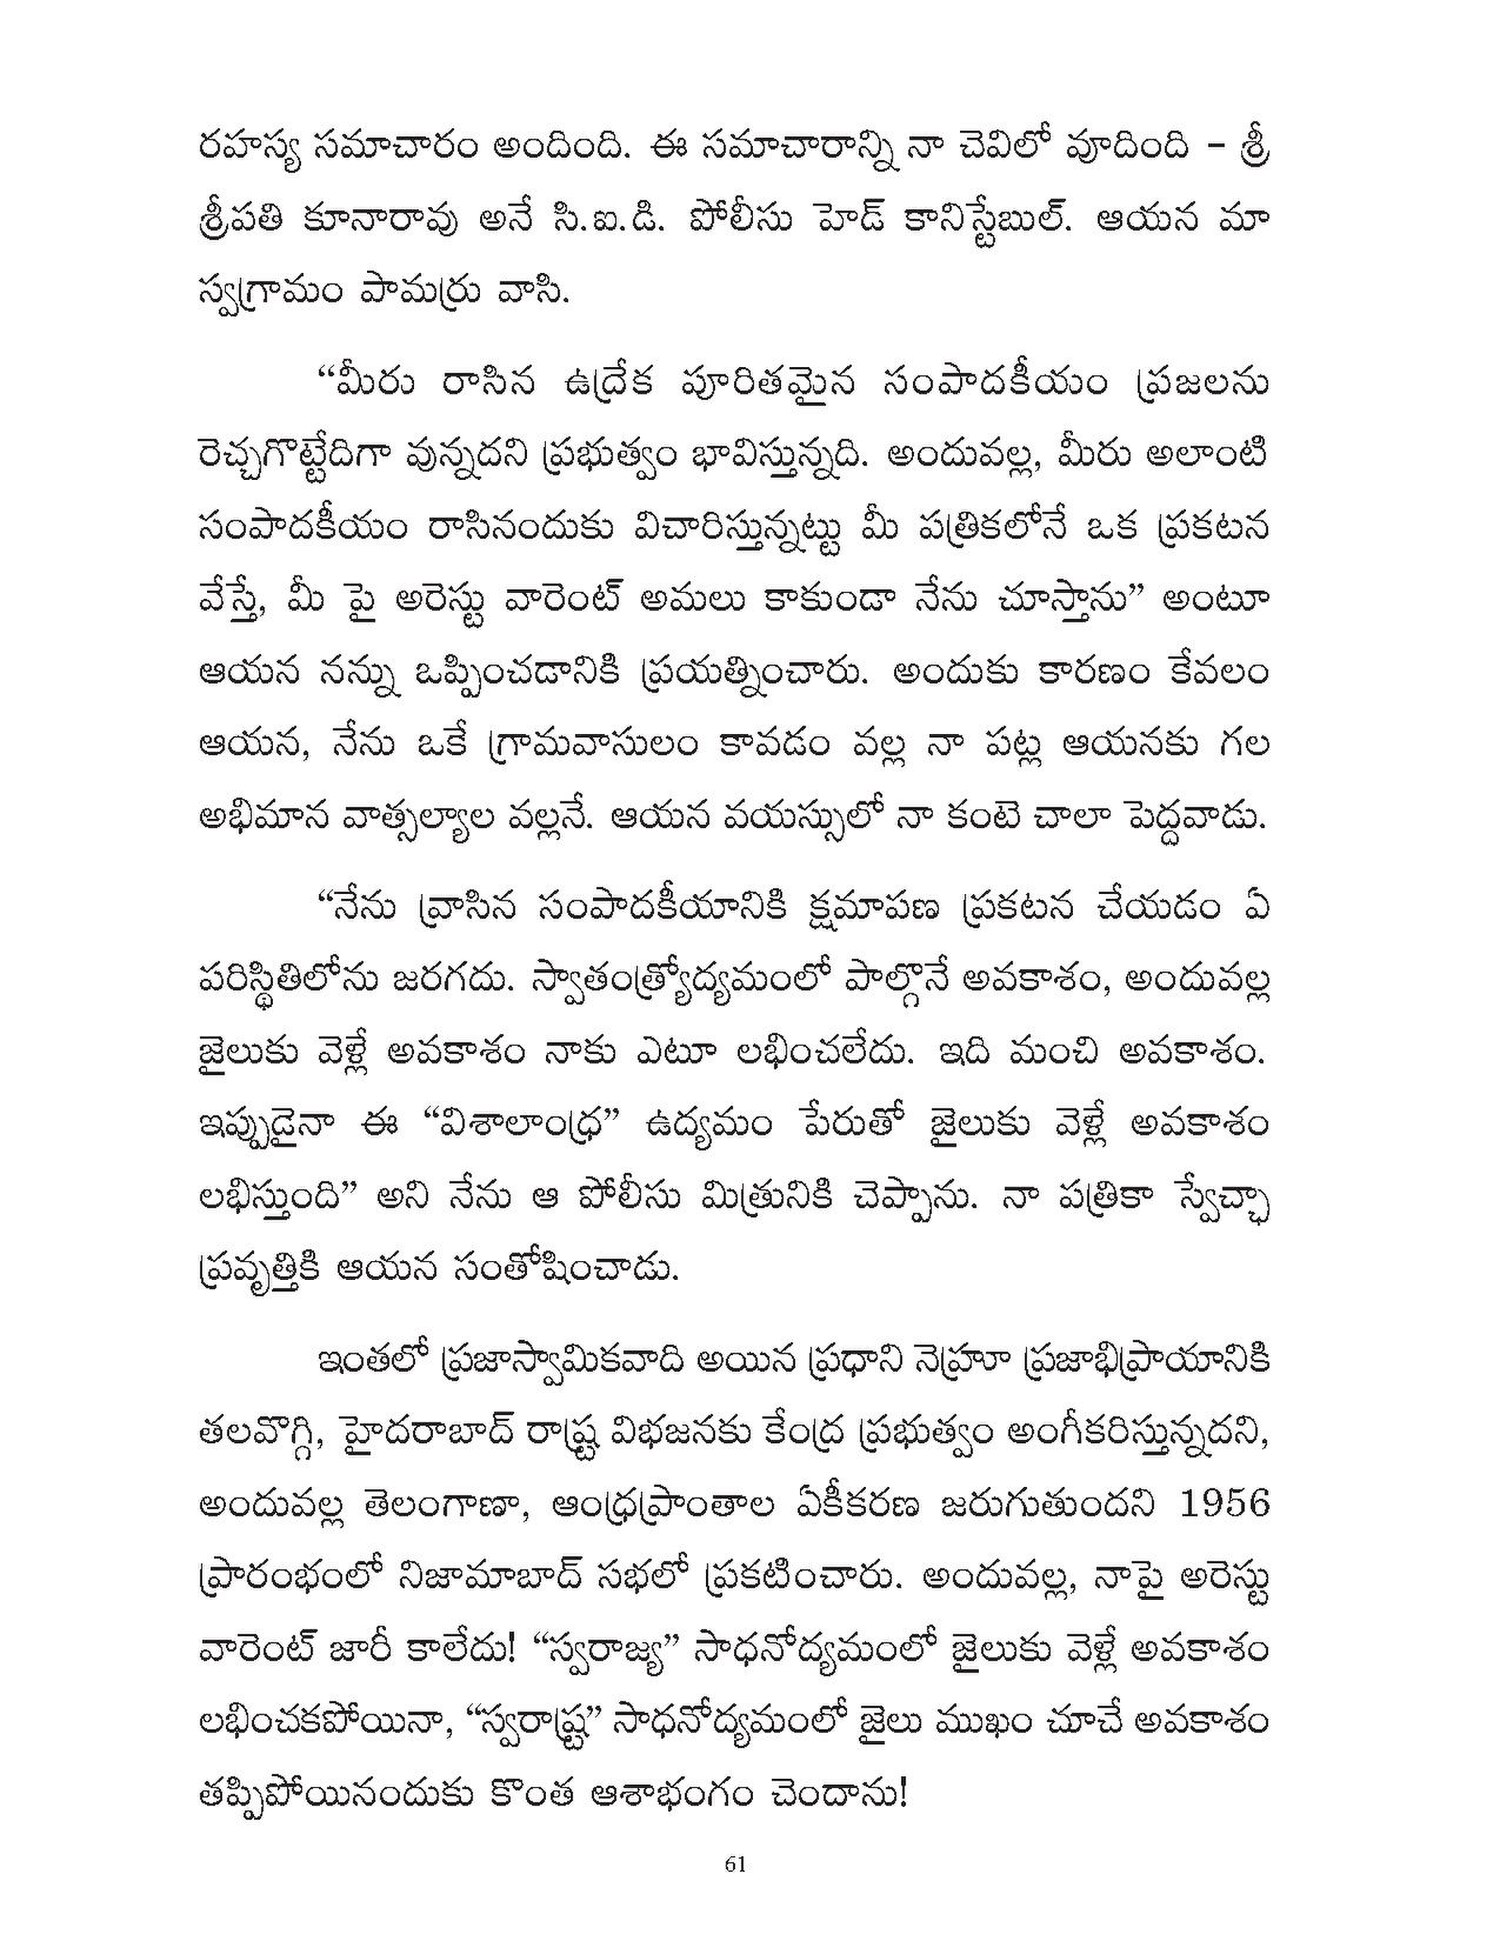రహస్య సమాచారం అందింది. ఈ సమాచారాన్ని నా చెవిలో వూదింది - శ్రీ
శ్రీపతి కూనారావు అనే సి.ఐ.డి. పోలీసు హెడ్‌ కానిస్టేబుల్‌. ఆయన మా
స్వగ్రామం పామర్రు వాసి.

"మీరు రాసిన ఉద్రేక పూరితమైన సంపాదకీయం ప్రజలను
రెచ్చగొట్టేదిగా వున్నదని ప్రభుత్వం భావిస్తున్నది. అందువల్ల, మీరు అలాంటి
సంపాదకీయం రాసినందుకు విచారిస్తున్నట్టు మీ పత్రికలోనే ఒక ప్రకటన
వేస్తే, మీ పై అరెస్టు వారెంట్‌ అమలు కాకుండా నేను చూస్తాను" అంటూ
ఆయన నన్ను ఒప్పించడానికి ప్రయత్నించారు. అందుకు కారణం కేవలం
ఆయన, నేను ఒకే గ్రామవాసులం కావడం వల్ల నా పట్ల ఆయనకు గల
అభిమాన వాత్సల్యాల వల్లనే. ఆయన వయస్సులో నా కంటె చాలా పెద్దవాడు.

"నేను వ్రాసిన సంపాదకీయానికి క్షమాపణ ప్రకటన చేయడం ఏ
పరిస్థితిలోను జరగదు. స్వాతంత్య్రోద్యమంలో పాల్గొనే అవకాశం, అందువల్ల
జైలుకు వెళ్లే అవకాశం నాకు ఎటూ లభించలేదు. ఇది మంచి అవకాశం.
ఇప్పుడైనా ఈ "విశాలాంధ్ర" ఉద్యమం పేరుతో జైలుకు వెళ్లే అవకాశం
లభిస్తుంది" అని నేను ఆ పోలీసు మిత్రునికి చెప్పాను. నా పత్రికా స్వేచ్ఛా
ప్రవృత్తికి ఆయన సంతోషించాడు.

ఇంతలో ప్రజాస్వామికవాది అయిన ప్రధాని నెహ్రూ ప్రజాభిప్రాయానికి
తలవొగ్గి, హైదరాబాద్‌ రాష్ట్ర విభజనకు కేంద్ర ప్రభుత్వం అంగీకరిస్తున్నదని,
అందువల్ల తెలంగాణా, ఆంధ్రప్రాంతాల ఏకీకరణ జరుగుతుందని 1956
ప్రారంభంలో నిజామాబాద్‌ సభలో ప్రకటించారు. అందువల్ల, నాపై అరెస్టు
వారెంట్‌ జారీ కాలేదు! "స్వరాజ్య" సాధనోద్యమంలో జైలుకు వెళ్లే అవకాశం
లభించకపోయినా, "స్వరాష్ట్ర" సాధనోద్యమంలో జైలు ముఖం చూచే అవకాశం
తప్పిపోయినందుకు కొంత ఆశాభంగం చెందాను!